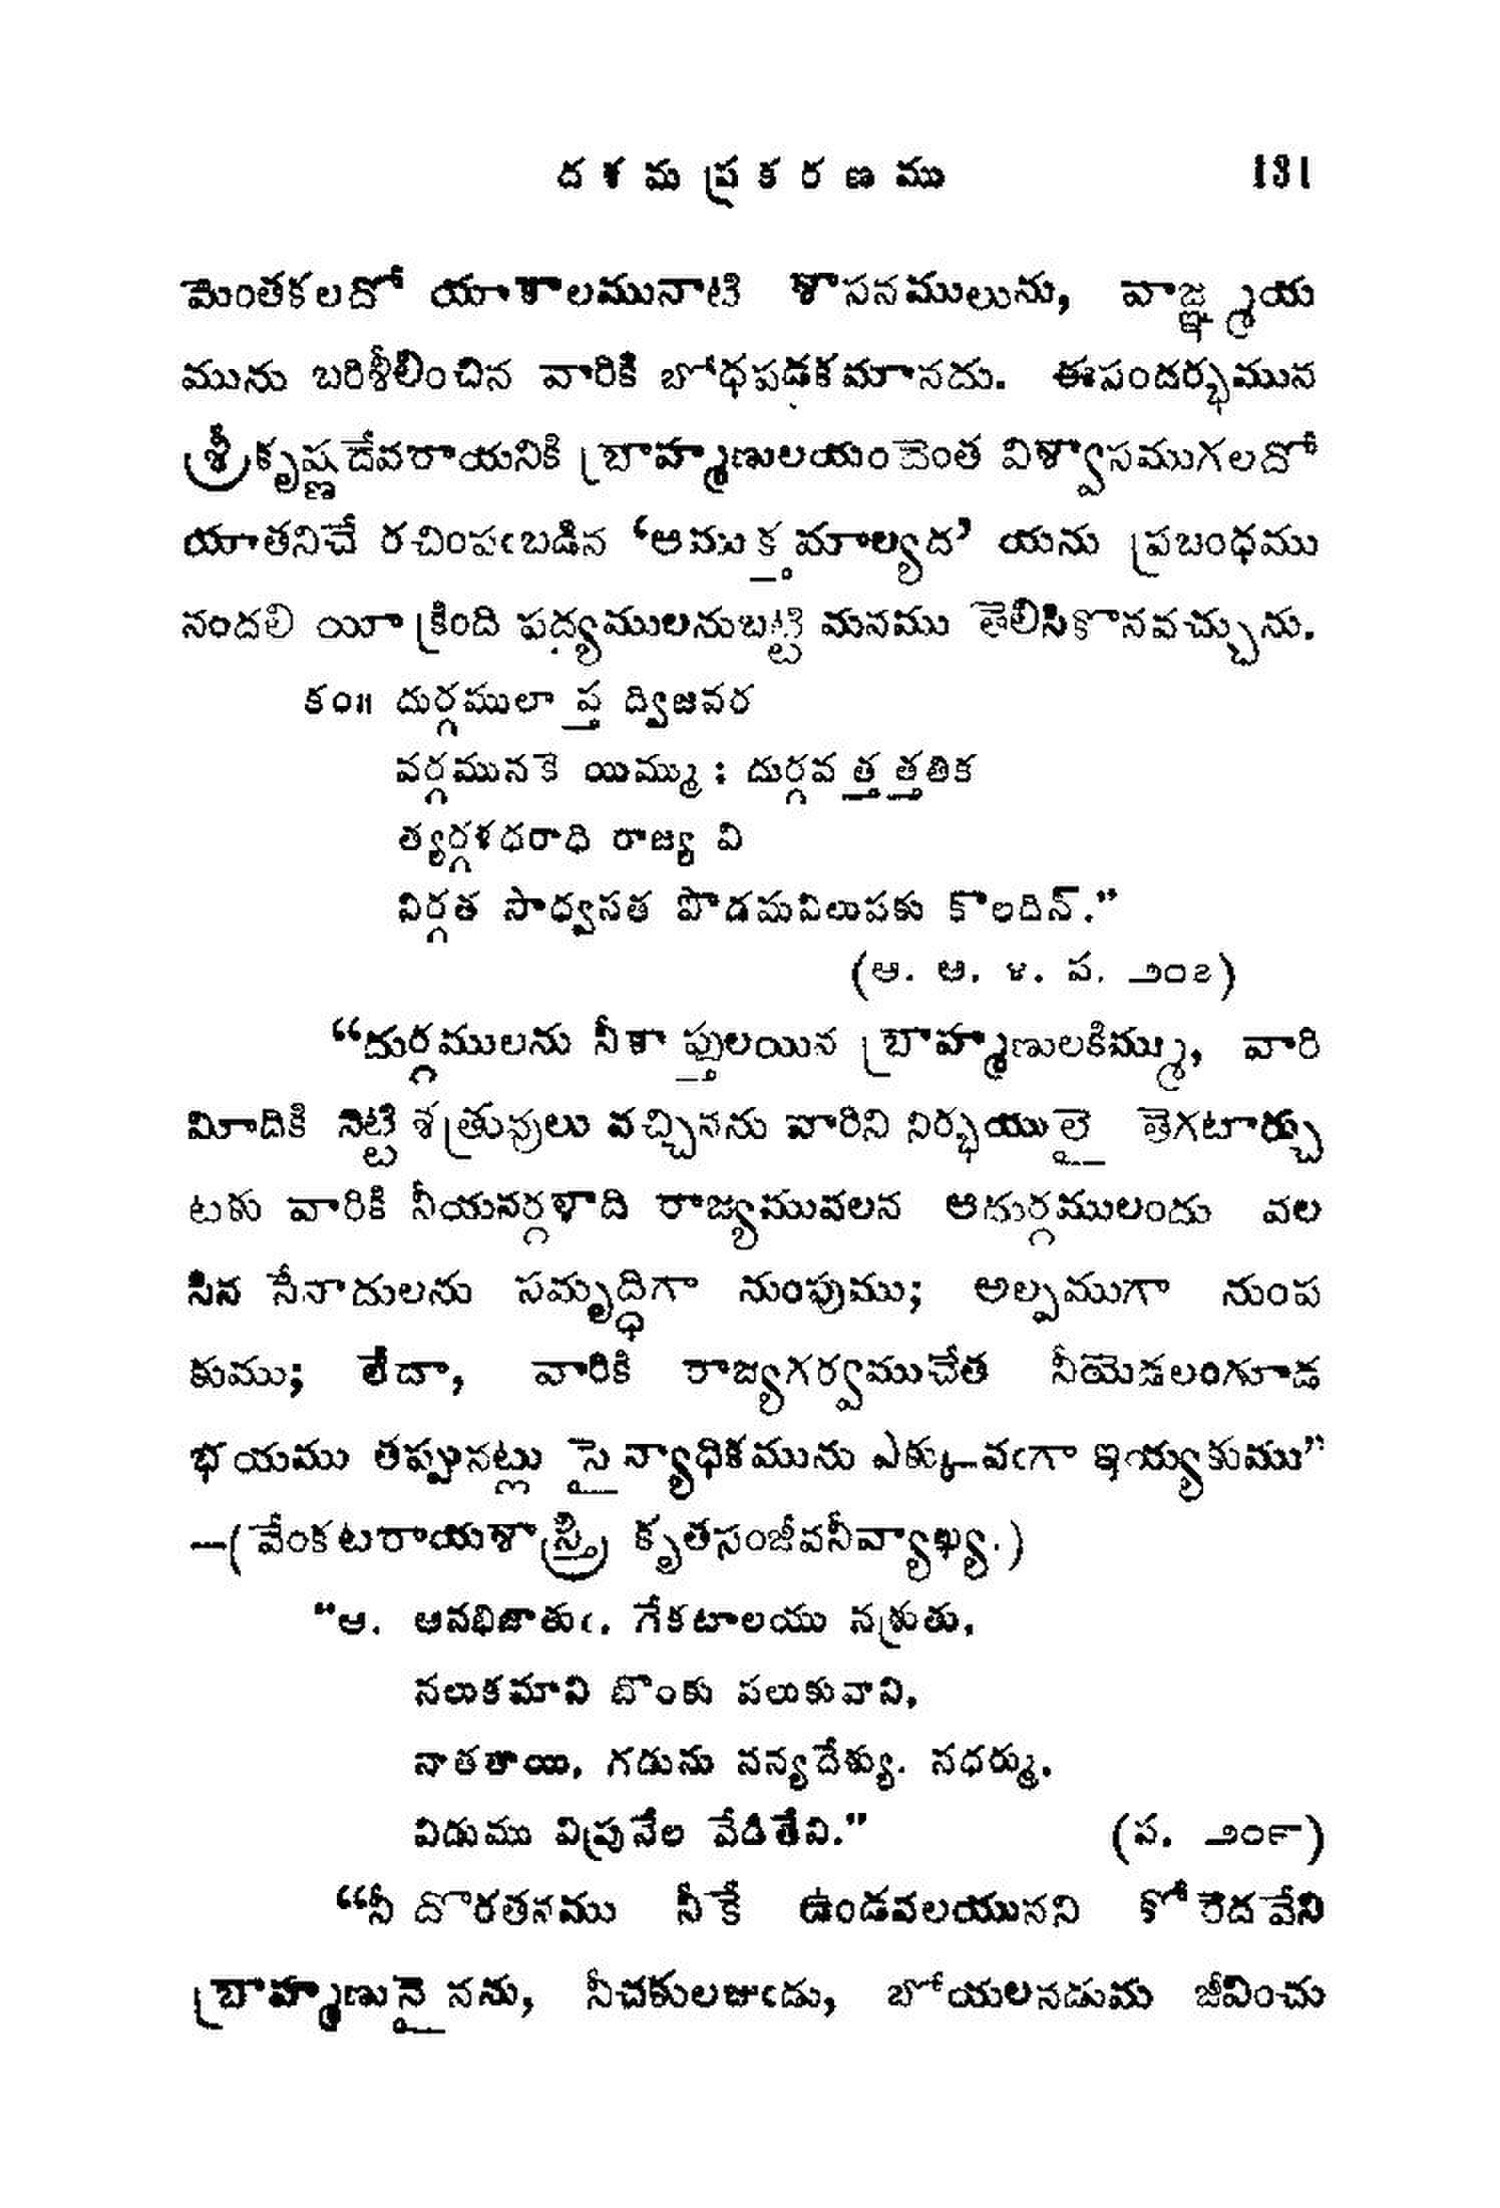మెంతకలదో యాకాలమునాటి శాసనములును, వాజ్ఞ్మయమును బరిశీలించిన వారికి బోధపడకమానదు. ఈసందర్భమున శ్రీకృష్ణదేవరాయనికి బ్రాహ్మణులయందెంత విశ్వాసముగలదో యాతనిచే రచింపఁబడిన 'ఆముక్తమాల్యద' యను ప్రబంధము నందలి యీక్రింది పద్యములను బట్టి మనము తెలిసికొనవచ్చును. 
 
కం|| దుర్గములాప్త ద్విజవర
 వర్గమునకే యిమ్ము : దుర్గవత్తత్తతిక 
 త్యర్గళధరాధి రాజ్య వి 
 నిర్గత సాధ్వసత పొడమవిలుపకు కొలదిన్." 
 (ఆ. ఆ. 4. ప. 207) 
"దుర్గములను నీకాప్తులయిన బ్రాహ్మణులకిమ్ము, వారి మీదికి నెట్టి శత్రువులు వచ్చినను వారిని నిర్భయులై తెగటార్చుటకు వారికి నీయనర్గళాది రాజ్యమువలన ఆదుర్గములందు వలసిన సేనాదులను సమృద్ధిగా నుంపుము; అల్పముగా నుంపకుము; లేదా, వారికి రాజ్యగర్వముచేత నీయెడలంగూడ భయము తప్పునట్లు సైన్యాధికమును ఎక్కువగా ఇయ్యకుము" 

- (వేంకటరాయశాస్త్రి కృతసంజీవనీ వ్యాఖ్య. ) 

"ఆ. ఆనభిజాతుఁ గేకటాలయు నశ్రుతు,
 నలుకమాని బొంకు పలుకువాని, 
 నాతతాయి, గడును నన్యదేశ్యు. నధర్ము.
 విడుము విప్రునేల వేడితేవి." (ప. 209) 
"నీ దొరతనము నీకే ఉండవలయునని కోరెదవేని బ్రాహ్మణునైనను, నీచకులజుఁడు, బోయలనడుమ జీవించు